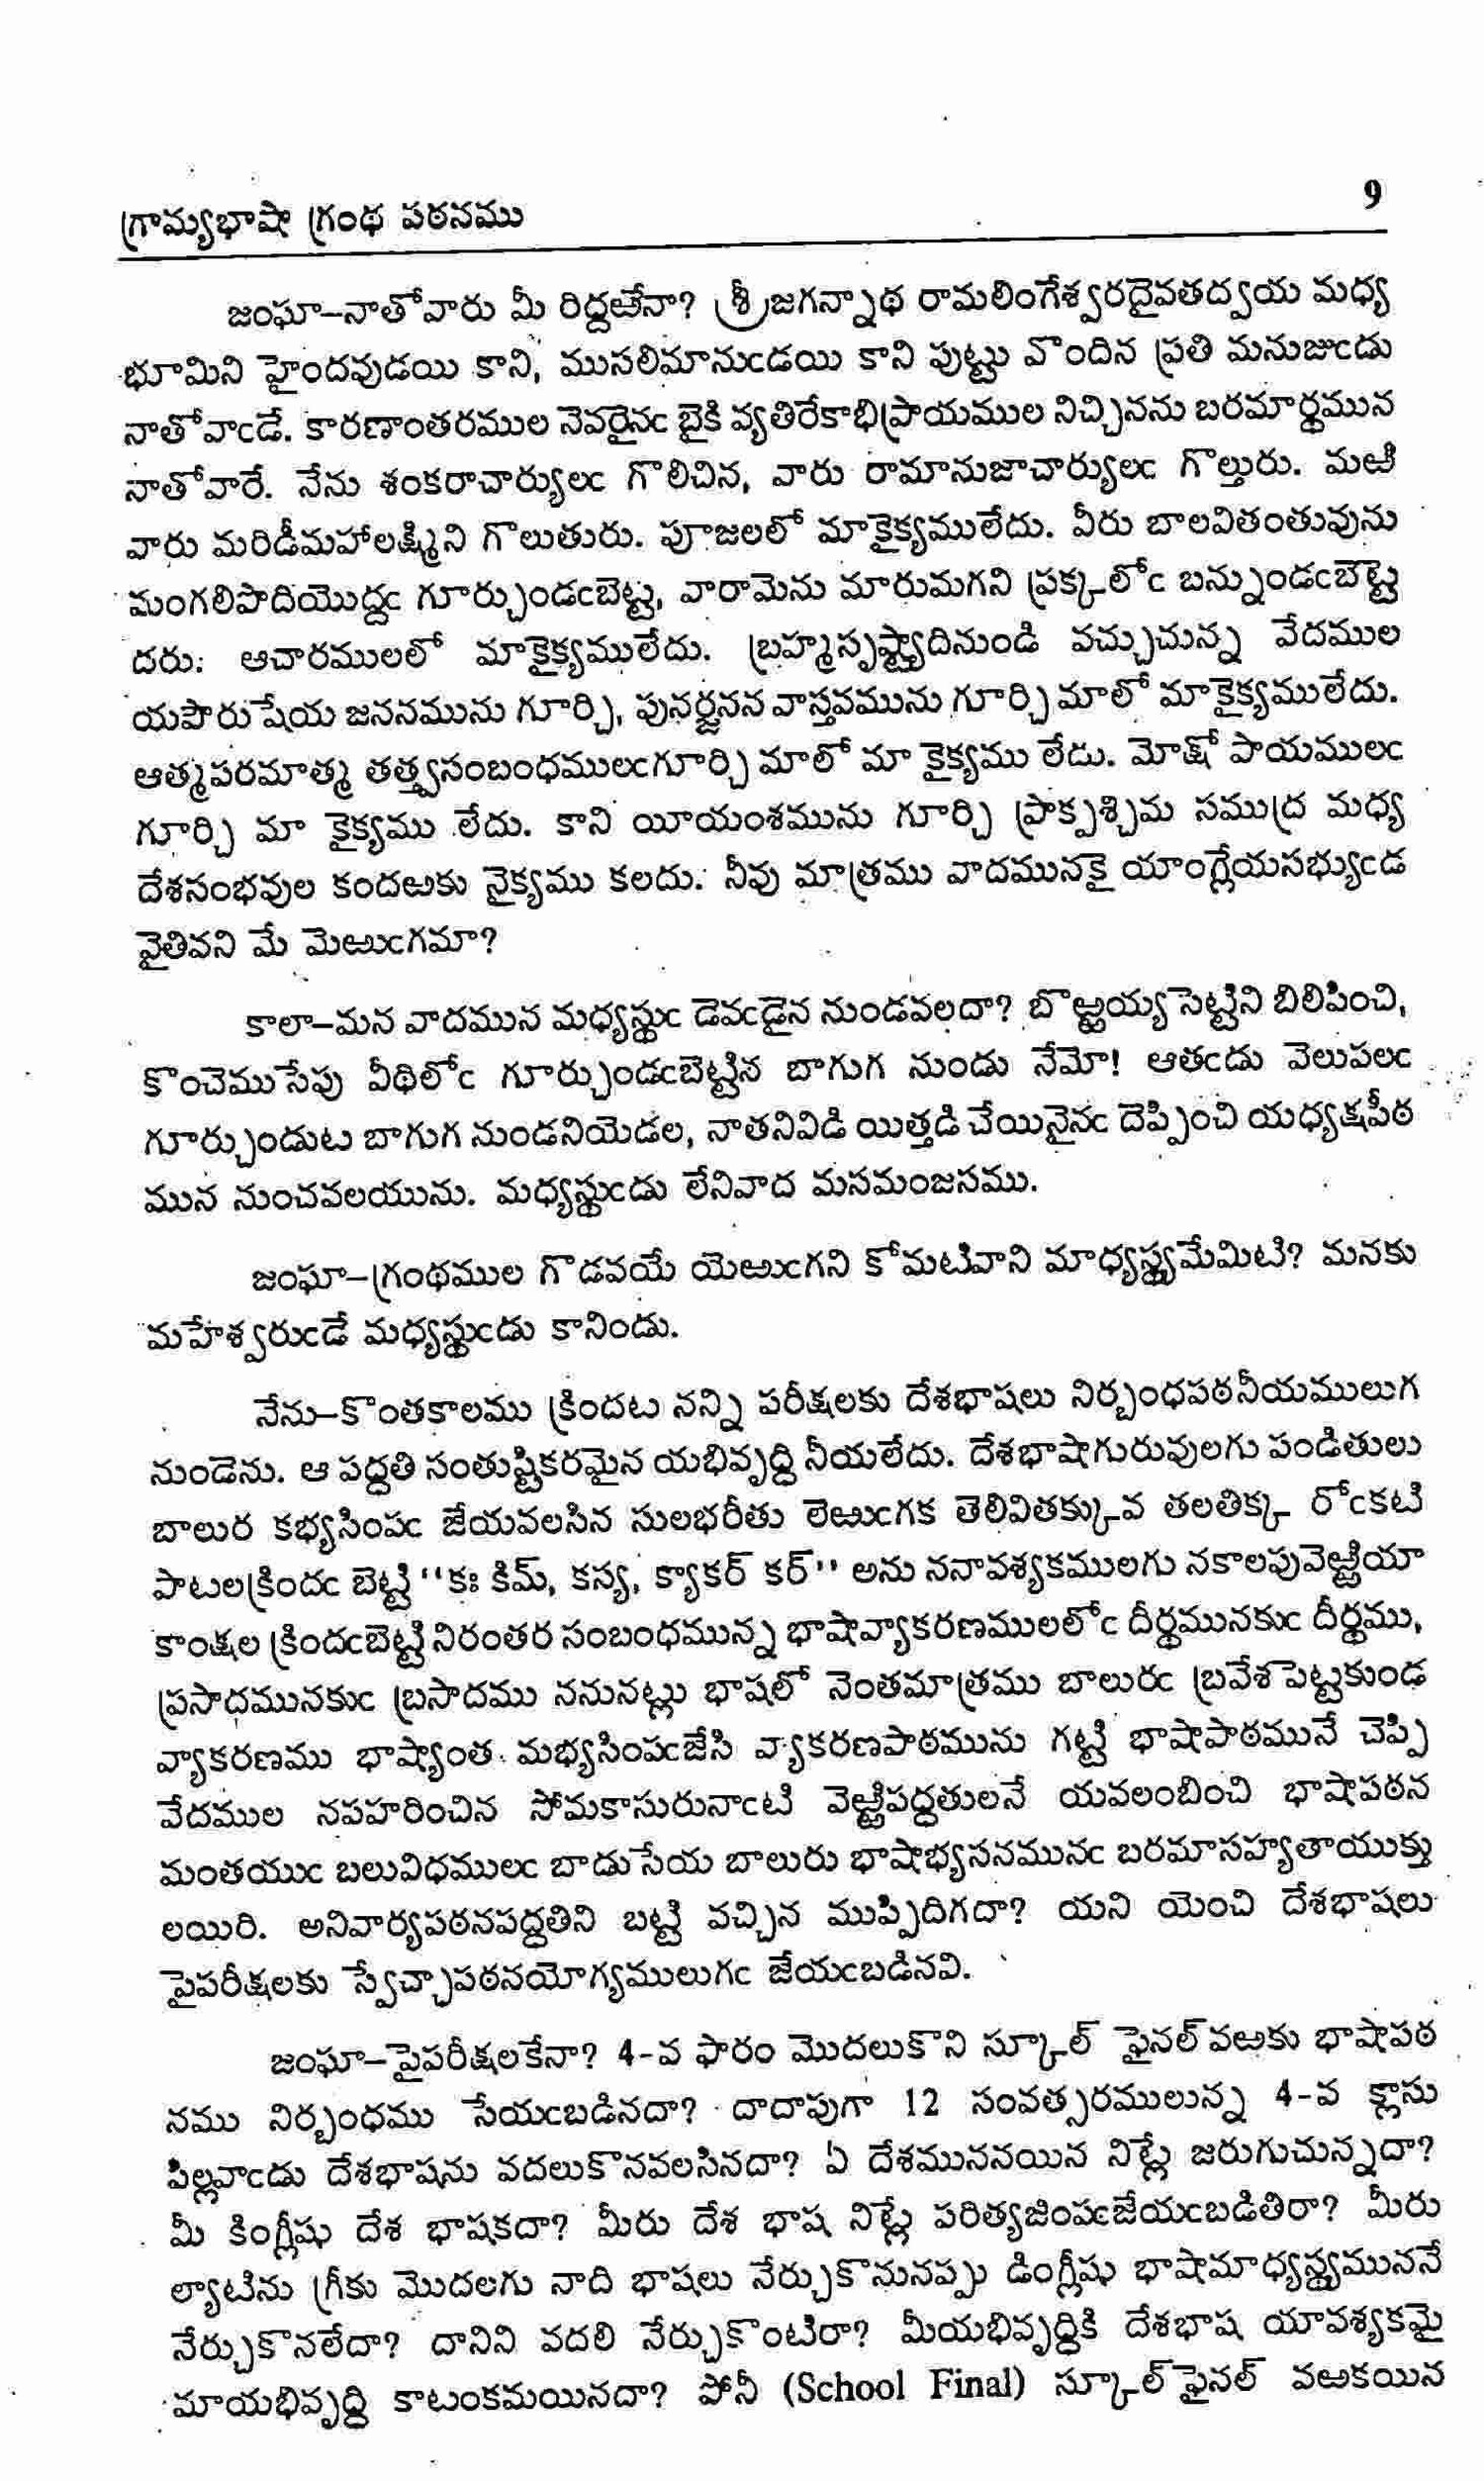జంఘా-నాతోవారు మీ రిద్దఱేనా? శ్రీ జగన్నాథ రామలింగేశ్వరదైవతద్వయ మధ్య భూమిని హైందవుడయి కాని, ముసలిమానుఁడయి కాని పుట్టు వొందిన ప్రతి మనుజుఁడు నాతో వాఁడే. కారణాంతరముల నెవరైనఁ బైకి వ్యతిరేకాభిప్రాయముల నిచ్చినను బరమార్థమున నాతోవారే. నేను శంకరాచార్యులఁ గొలిచిన, వారు రామానుజాచార్యులఁ గొల్తురు. మఱి వారు మరిడీమహాలక్ష్మిని
గొలుతురు. పూజలలో మాకైక్యములేదు. వీరు బాలవితంతువును మంగలిపొదియొద్దఁ గూర్చుండఁబెట్ట, వారామెను మారుమగని ప్రక్కలోఁ బన్నుండఁబెట్టెదరు: ఆచారములలో మాకైక్యములేదు. బ్రహ్మసృష్ట్యాదినుండి వచ్చుచున్న వేదముల యపౌరు షేయ జననమును గూర్చి, పునర్జనన వాస్తవమును గూర్చి మాలో మాకైక్యములేదు. ఆత్మపరమాత్మ తత్త్వసంబంధములఁగూర్చి మాలో మా కైక్యము లేదు. మోక్షో పాయములఁ గూర్చి మా కైక్యము లేదు. కాని యీయంశమును గూర్చి ప్రాక్పశ్చిమ సముద్ర మధ్య దేశసంభవుల కందఱకు నైక్యము కలదు. నీవు మాత్రము వాదమునకై యాంగ్లేయసభ్యుఁడ వైతివని మే మెఱుఁగమా?

కాలా-మన వాదమున మధ్యస్థుఁ డెవఁడైన నుండవలదా? బొఱ్ఱయ్య సెట్టిని బిలిపించి, కొంచెము సేపు వీథిలోఁ గూర్చుండఁబెట్టిన బాగుగ నుండు నేమో! ఆతఁడు వెలుపలఁ గూర్చుండుట బాగుగ నుండనియెడల, నాతనివిడి యిత్తడి చేయినైనఁ దెప్పించి యధ్యక్షపీఠమున నుంచవలయును. మధ్యస్థుఁడు లేనివాద మసమంజసము.

జంఘా-గ్రంథముల గొడవయే యెఱుఁగని కోమటివాని మాధ్యస్థ్యమేమిటి? మనకు మహేశ్వరుఁడే మధ్యస్థుఁడు కానిండు.

నేను-కొంతకాలము క్రిందట నన్ని పరీక్షలకు దేశభాషలు నిర్బంధపఠనీయములుగ నుండెను. ఆ పద్ధతి సంతుష్టికరమైన యభివృద్ధి నీయలేదు. దేశభాషాగురువులగు పండితులు బాలుర కభ్యసింపఁ జేయవలసిన సులభరీతు లెఱుఁగక తెలివితక్కువ తలతిక్క రోఁకటి పాటలక్రిందఁ బెట్టి “కః కిమ్, కస్య, క్యాకర్ కర్ " అను ననావశ్యకములగు నకాలపువెఱ్ఱియా కాంక్షల క్రిందఁబెట్టి నిరంతర సంబంధమున్న భాషావ్యాకరణములలోఁ దీర్ఘమునకుఁ దీర్ఘము, ప్రసాధమునకుఁ బ్రసాదము ననునట్లు భాషలో నెంతమాత్రము బాలురఁ బ్రవేశపెట్టకుండ వ్యాకరణము భాష్యాంత మభ్యసింపఁజేసి వ్యాకరణపాఠమును గట్టి భాషాపాఠమునే చెప్పి వేదముల నపహరించిన సోమకాసురునాఁటి వెఱ్ఱిపద్ధతులనే యవలంబించి భాషాపఠన మంతయుఁ బలువిధములఁ బాడుసేయ బాలురు భాషాభ్యసనమునఁ బరమాసహ్యతాయుక్తులయిరి. అనివార్యపఠనపద్ధతిని బట్టి వచ్చిన ముప్పిదిగదా? యని యెంచి దేశభాషలు పైపరీక్షలకు స్వేచ్ఛాపఠనయోగ్యములుగఁ జేయఁబడినవి.

జంఘా- పైపరీక్షలకేనా? 4-వ ఫారం మొదలుకొని స్కూల్ ఫైనల్ వఱకు భాషాపఠనము నిర్బంధము సేయఁబడినదా? దాదాపుగా 12 సంవత్సరములున్న 4-వ క్లాసు పిల్లవాఁడు దేశభాషను వదలుకొనవలసినదా? ఏ దేశముననయిన నిట్లే జరుగుచున్నదా? మీ కింగ్లీషు దేశ భాషకదా? మీరు దేశ భాష నిట్లే పరిత్యజింపఁజేయఁబడితిరా? మీరు ల్యాటిను గ్రీకు మొదలగు నాది భాషలు నేర్చుకొనునప్పు డింగ్లీషు భాషామాధ్యస్థ్యముననే నేర్చుకొనలేదా? దానిని వదలి నేర్చుకొంటిరా? మీయభివృద్ధికి దేశభాష యావశ్యకమై మాయభివృద్ధి కాటంకమయినదా? పోనీ (School Final) స్కూల్ ఫైనల్ వఱకయిన